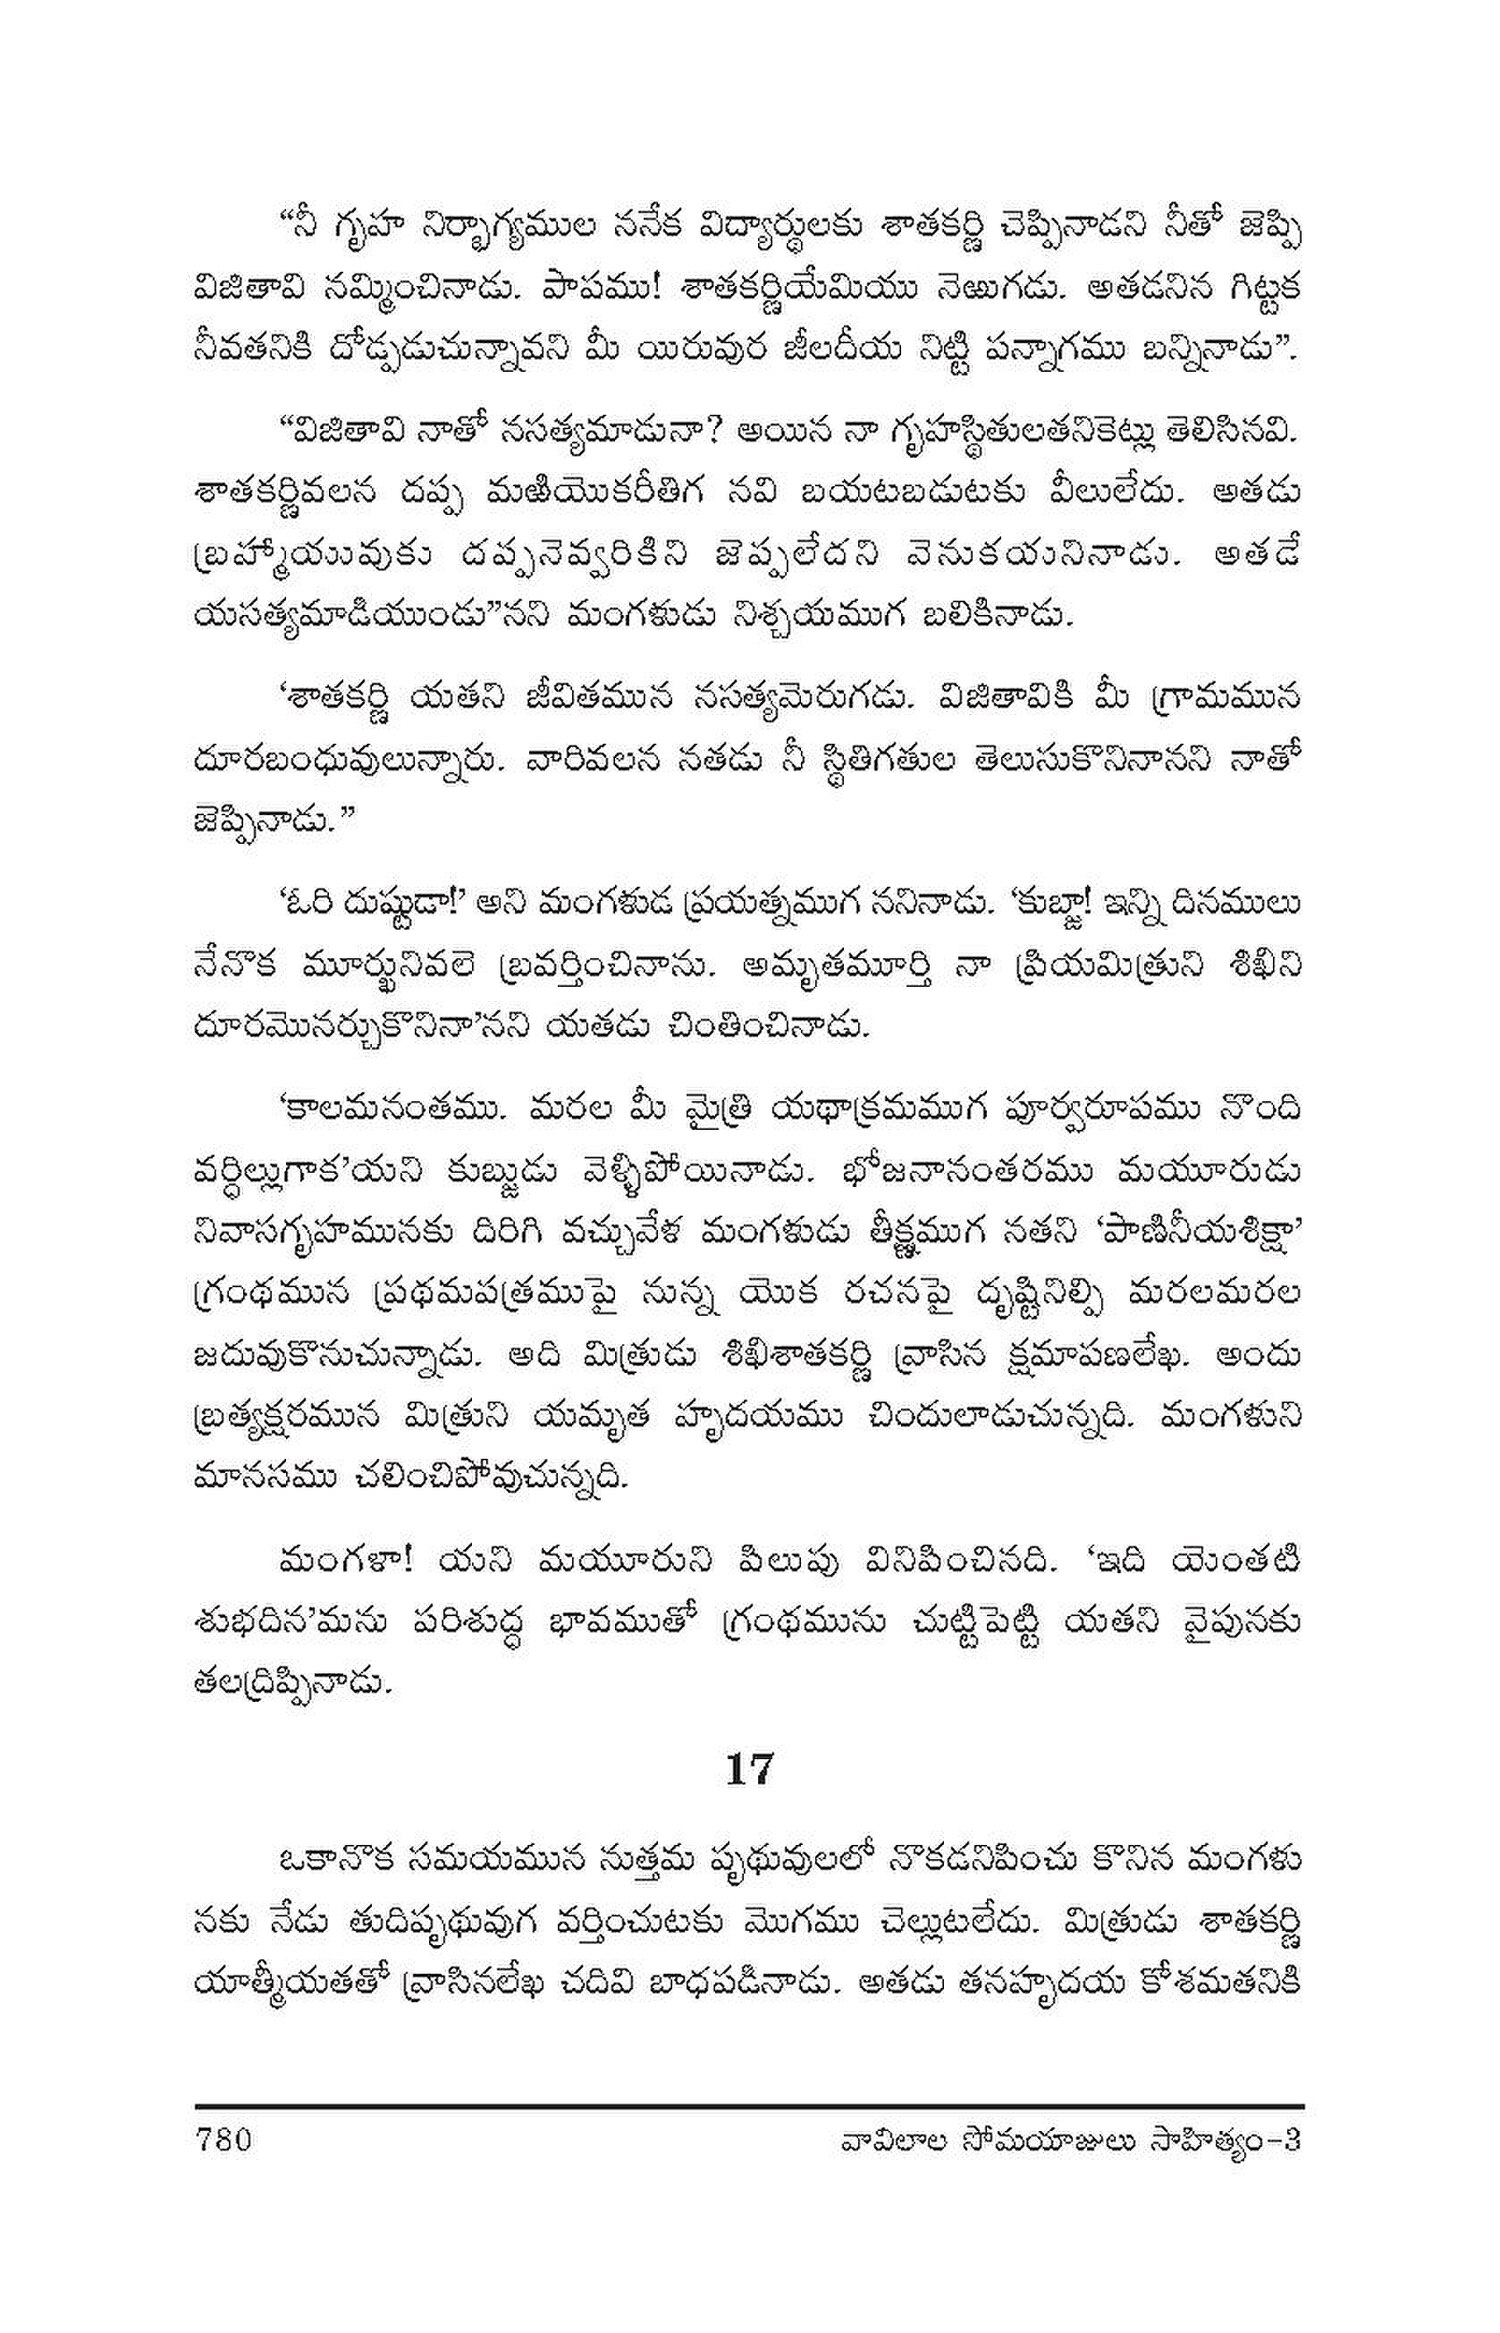"నీ గృహ నిర్భాగ్యముల ననేక విద్యార్థులకు శాతకర్ణి చెప్పినాడని నీతో జెప్పి విజితావి నమ్మించినాడు. పాపము! శాతకర్ణియేమియు నెఱుగడు. అతడనిన గిట్టక నీవతనికి దోడ్పడుచున్నావని మీ యిరువుర జీలదీయ నిట్టి పన్నాగము బన్నినాడు”.

"విజితావి నాతో నసత్యమాడునా? అయిన నా గృహస్థితులతనికెట్లు తెలిసినవి. శాతకర్ణివలన దప్ప మఱియొకరీతిగ నవి బయటబడుటకు వీలులేదు. అతడు బ్రహ్మాయువుకు దప్పనెవ్వరికిని జెప్పలేదని వెనుకయనినాడు. అతడే యసత్యమాడియుండు"నని మంగళుడు నిశ్చయముగ బలికినాడు.

'శాతకర్ణి యతని జీవితమున నసత్యమెరుగడు. విజితానికి మీ గ్రామమున దూరబంధువులున్నారు. వారివలన నతడు నీ స్థితిగతులు తెలుసుకొనినానని నాతో జెప్పినాడు.”

'ఓరి దుష్టుడా!' అని మంగళుడ ప్రయత్నముగ ననినాడు. 'కుబ్జా! ఇన్ని దినములు నేనొక మూర్ఖునివలె బ్రవర్తించినాను. అమృతమూర్తి నా ప్రియమిత్రుని శిఖిని దూరమొనర్చుకొనినా'నని యతడు చింతించినాడు.

'కాలమనంతము. మరల మీ మైత్రి యథాక్రమముగ పూర్వరూపము నొంది వర్ధిల్లుగాక'యని కుబ్జుడు వెళ్ళిపోయినాడు. భోజనానంతరము మయూరుడు నివాసగృహమునకు దిరిగి వచ్చువేళ మంగళుడు తీక్షముగ నతని 'పాణినీయశిక్షా' గ్రంథమున ప్రథమపత్రముపై నున్న యొక రచనపై దృష్టినిల్పి మరల మరల జదువుకొనుచున్నాడు. అది మిత్రుడు శిఖిశాతకర్ణి వ్రాసిన క్షమాపణలేఖ. అందు బ్రత్యక్షరమున మిత్రుని యమృత హృదయము చిందులాడుచున్నది. మంగళుని మానసము చలించిపోవుచున్నది.

మంగళా! యని మయూరుని పిలుపు వినిపించినది. 'ఇది యెంతటి శుభదిన'మను పరిశుద్ధ భావముతో గ్రంథమును చుట్టిపెట్టి యతని వైపునకు తలద్రిప్పినాడు.

ఒకానొక సమయమున నుత్తమ పృథువులలో నొకడనిపించు కొనిన మంగళు నకు నేడు తుదిపృథువుగ వర్తించుటకు మొగము చెల్లుటలేదు. మిత్రుడు శాతకర్ణి యాత్మీయతతో వ్రాసినలేఖ చదివి బాధపడినాడు. అతడు తనహృదయ కోశమతనికి